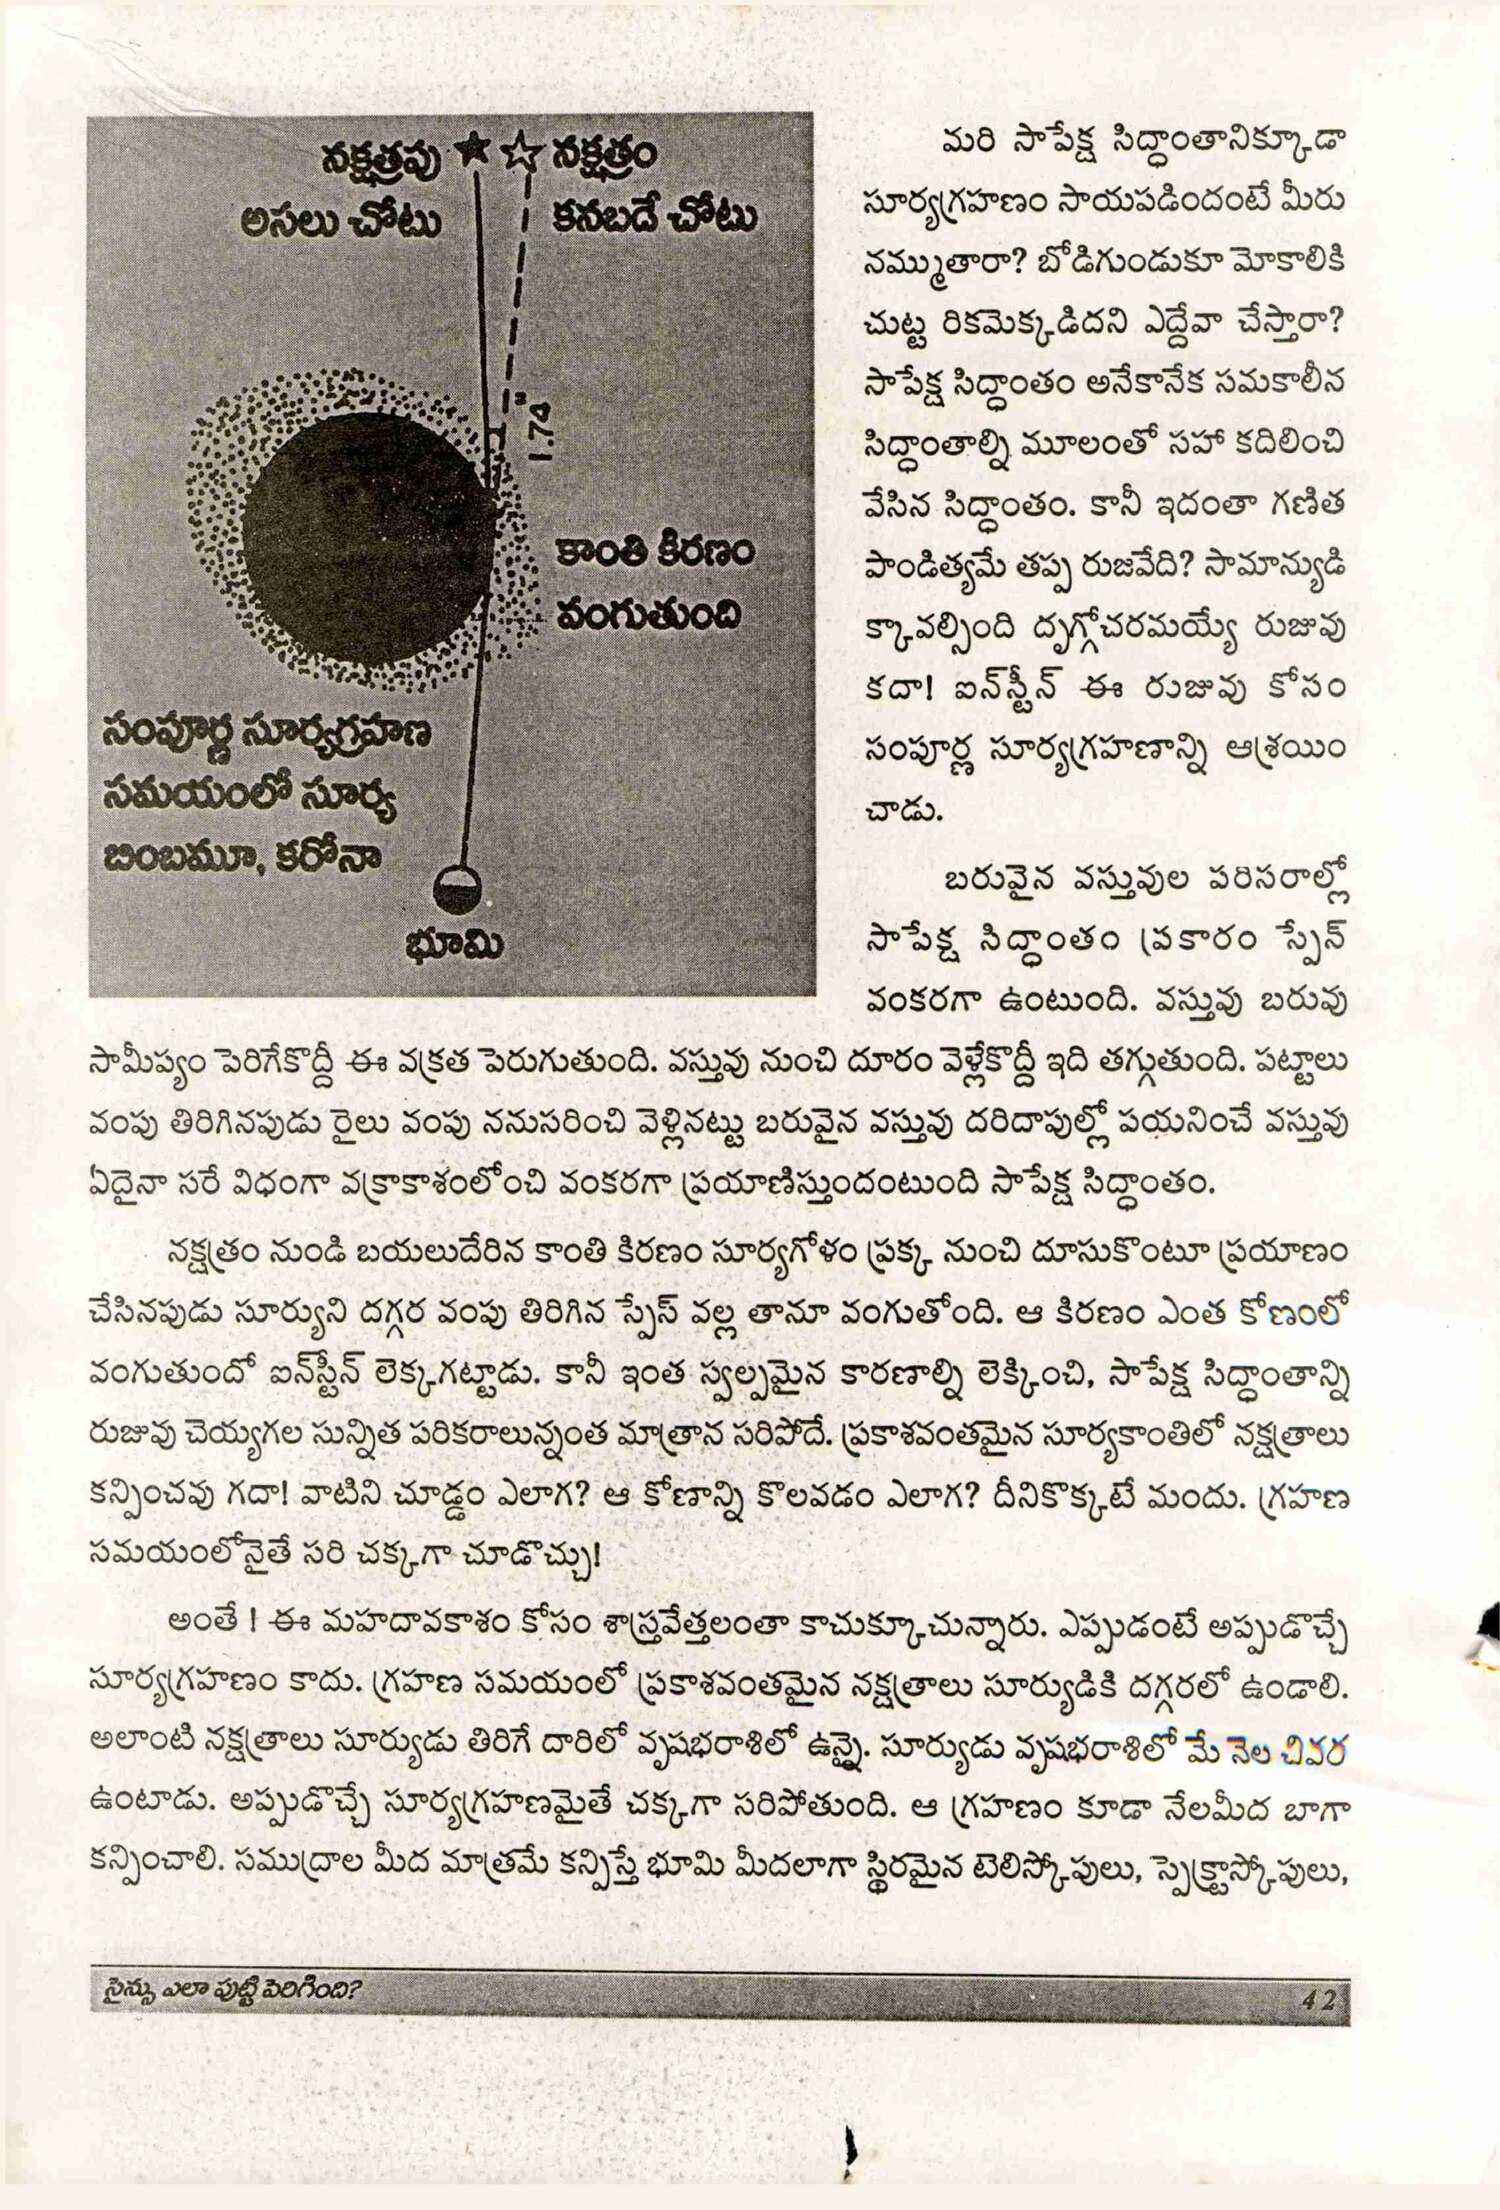మరి సాపేక్ష సిద్ధాంతానిక్కూడా సూర్యగ్రహణం సాయపడిందంటే మీరు నమ్ముతారా? బోడిగుండుకూ మోకాలికి
చుట్ట రికమెక్కడిదని ఎద్దేవా చేస్తారా? సాపేక్ష సిద్ధాంతం అనేకానేక సమకాలీన సిద్ధాంతాల్ని మూలంతో సహా కదిలించి వేసిన సిద్ధాంతం. కానీ ఇదంతా గణిత పాండిత్యమే తప్ప రుజవేది? సామాన్యుడి క్కావల్సింది దృగ్గోచరమయ్యే రుజువుకదా! ఐన్‌స్టీన్ ఈ రుజువు కోసం సంపూర్ణ సూర్యగ్రహణాన్ని ఆశ్రయించాడు.

బరువైన వస్తువుల పరిసరాల్లో సాపేక్ష సిద్దాంతం ప్రకారం స్పేస్ వంకరగా ఉంటుంది. వస్తువు బరువు సామీప్యం పెరిగేకొద్దీ ఈ వక్రత పెరుగుతుంది. వస్తువు నుంచి దూరం వెళ్లేకొద్దీ ఇది తగ్గుతుంది. పట్టాలు వంపు తిరిగినపుడు రైలు వంపు ననుసరించి వెళ్లినట్టు బరువైన వస్తువు దరిదాపుల్లో పయనించే వస్తువు ఏదైనా సరే విధంగా వక్రాకాశంలోంచి వంకరగా ప్రయాణిస్తుందంటుంది సాపేక్ష సిద్ధాంతం.

నక్షత్రం నుండి బయలుదేరిన కాంతి కిరణం సూర్యగోళం ప్రక్క నుంచి దూసుకొంటూ ప్రయాణం చేసినపుడు సూర్యుని దగ్గర వంపు తిరిగిన స్పేస్ వల్ల తానూ వంగుతోంది. ఆ కిరణం ఎంత కోణంలో వంగుతుందో ఐన్‌స్టీన్ లెక్కగట్టాడు. కానీ ఇంత స్వల్పమైన కారణాల్ని లెక్కించి, సాపేక్ష సిద్ధాంతాన్ని రుజువు చెయ్యగల సున్నిత పరికరాలున్నంత మాత్రాన సరిపోదే. ప్రకాశవంతమైన సూర్యకాంతిలో నక్షత్రాలు కన్పించవు గదా! వాటిని చూడ్డం ఎలాగ? ఆ కోణాన్ని కొలవడం ఎలాగ? దీనికొక్కటే మందు. గ్రహణ సమయంలోనైతే సరి చక్కగా చూడొచ్చు!

అంతే ! ఈ మహదావకాశం కోసం శాస్త్రవేత్తలంతా కాచుక్కూచున్నారు. ఎప్పుడంటే అప్పుడొచ్చే సూర్యగ్రహణం కాదు. గ్రహణ సమయంలో ప్రకాశవంతమైన నక్షత్రాలు సూర్యుడికి దగ్గరలో ఉండాలి. అలాంటి నక్షత్రాలు సూర్యుడు తిరిగే దారిలో వృషభరాశిలో ఉన్నై. సూర్యుడు వృషభరాశిలో మే నెల చివర ఉంటాడు. అప్పుడొచ్చే సూర్యగ్రహణమైతే చక్కగా సరిపోతుంది. ఆ గ్రహణం కూడా నేలమీద బాగా కన్పించాలి. సముద్రాల మీద మాత్రమే కన్పిస్తే భూమి మీదలాగా స్థిరమైన టెలిస్కోపులు, స్పెక్ట్రాస్కోపులు,